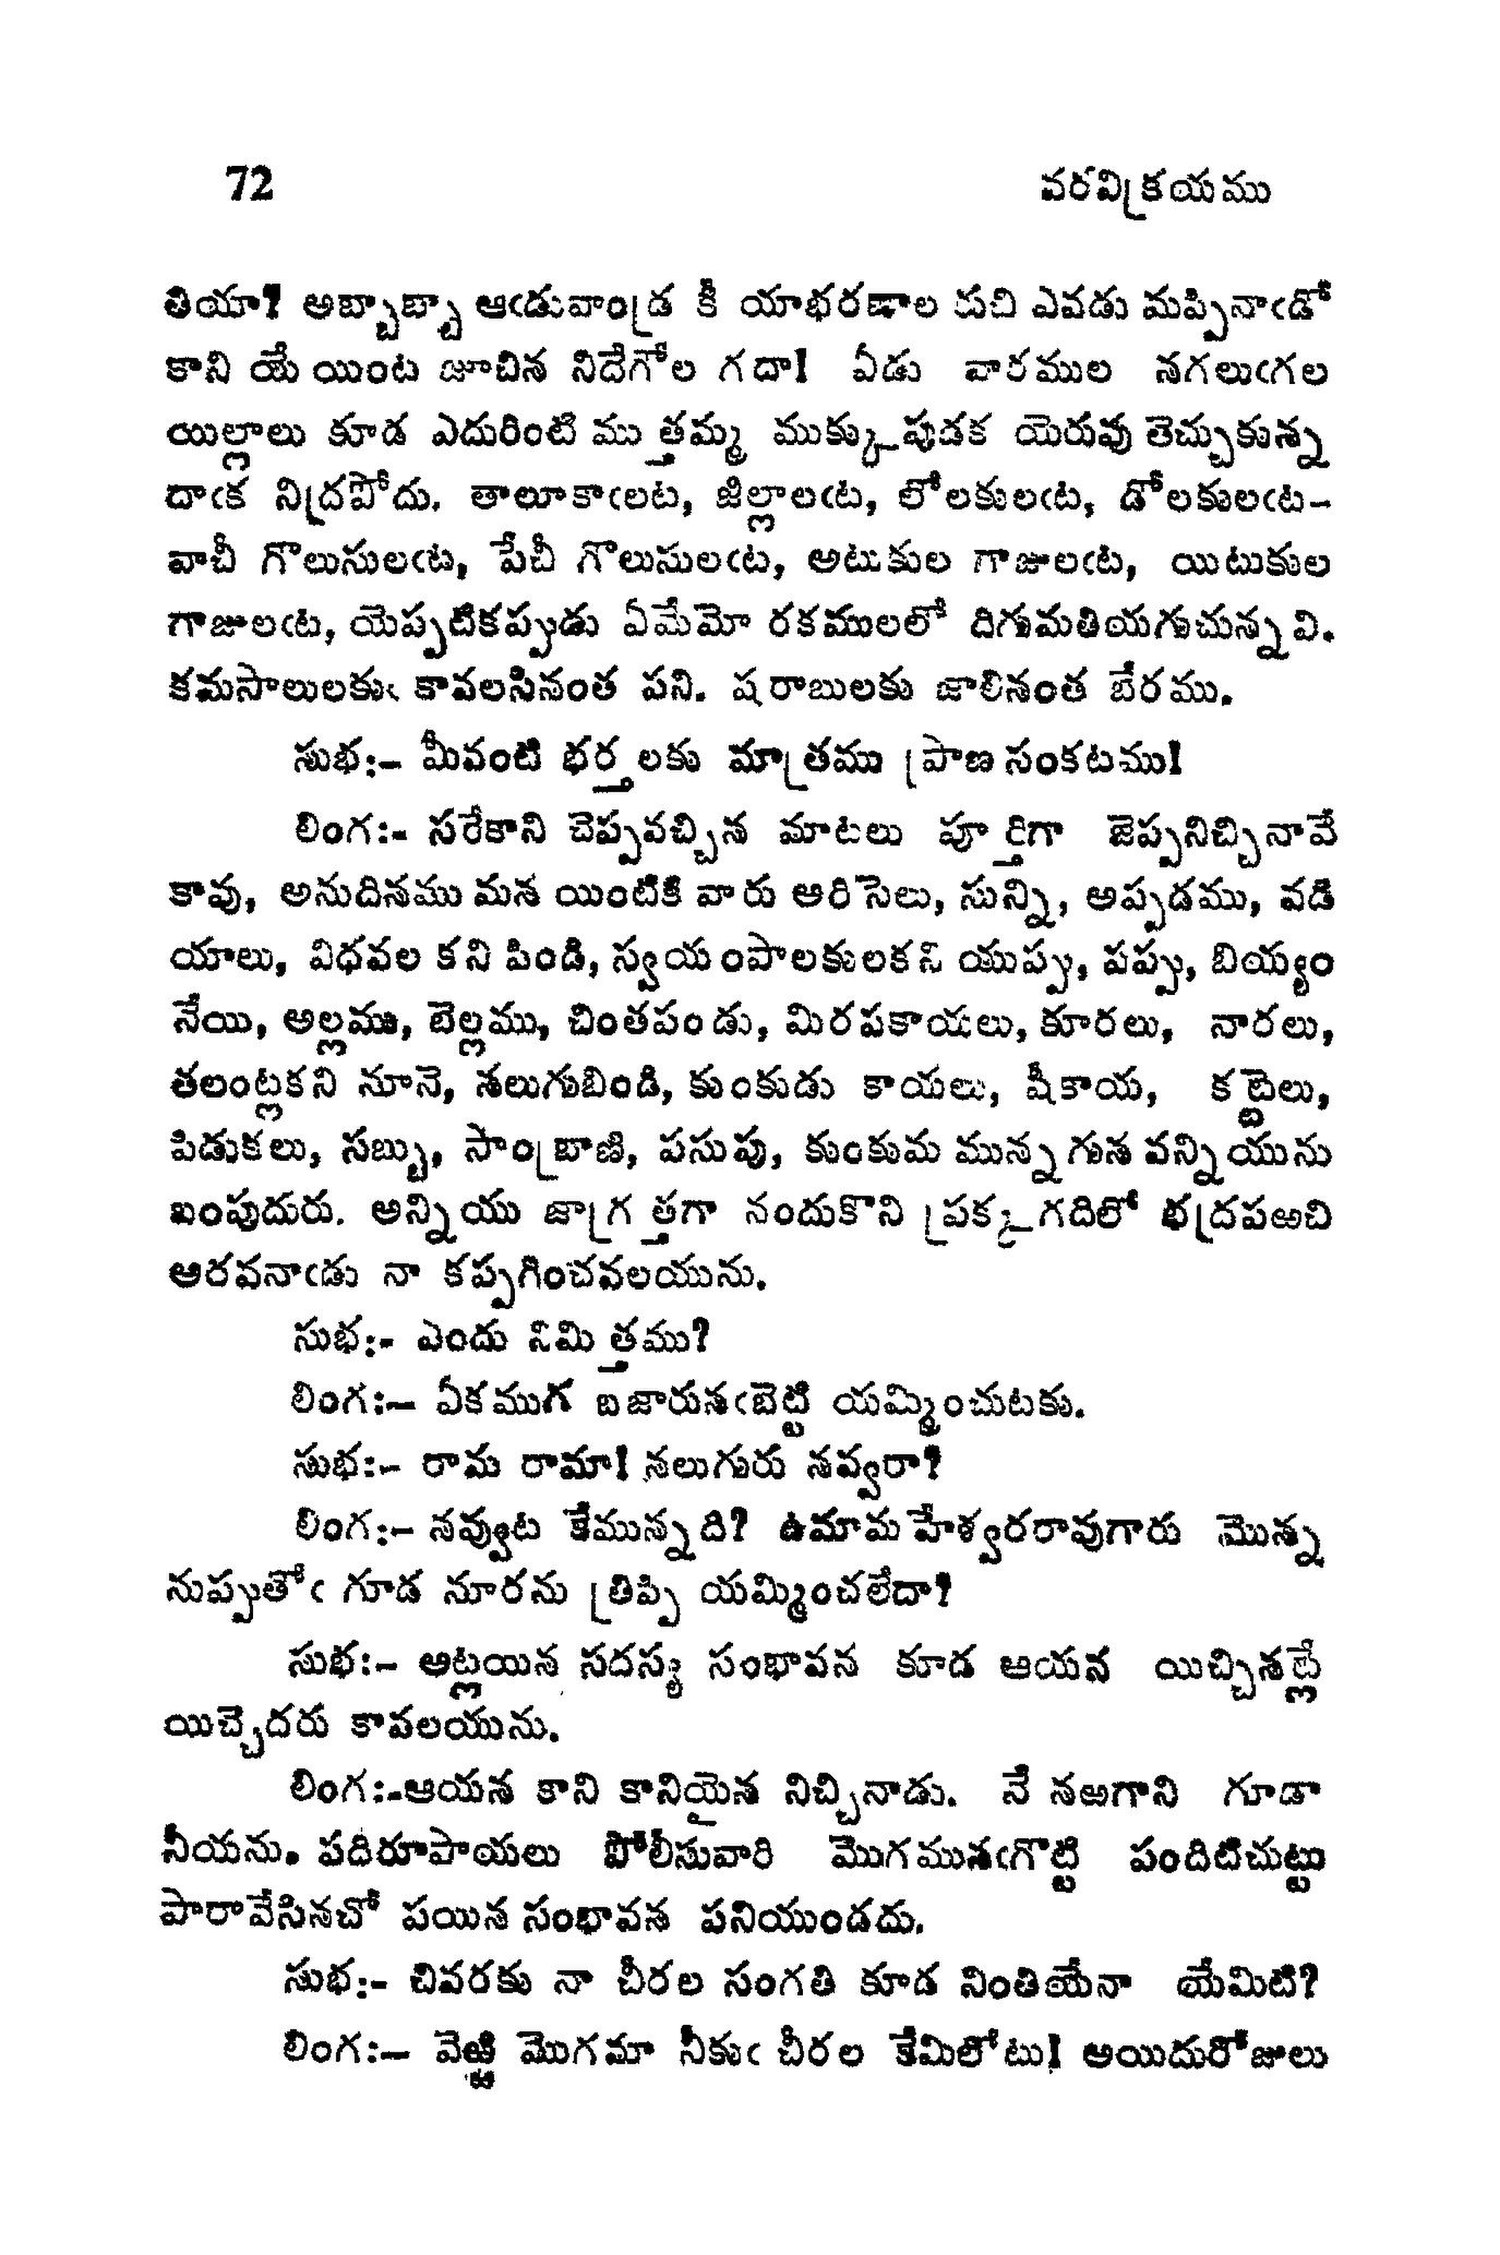తియా? అబ్బాబ్బా! ఆఁడువాండ్ర కీ యాభరణాల రుచి ఎవడు మప్పినాఁడో కాని యే యింట జూచిన నిదేగోల గదా! ఏడు వారముల నగలుఁగల యిల్లాలు కూడ ఎదురింటి ముత్తమ్మ ముక్కుపుడక యెరువు తెచ్చుకున్నదాఁక నిద్రపోదు! తాలూకాఁలట, జిల్లాలఁట, లోలకులఁట, డోలకులఁట, వాచీ గొలుసులఁట, పేచీ గొలుసులఁట, అటుకుల గాజులఁట, యిటుకుల గాజులఁట, యెప్పటికప్పుడు ఏమేమో రకములలో దిగుమతియగుచున్నవి! కమసాలులకుఁ కావలసినంత పని. షరాబులకు జాలినంత బేరము.

సుభ :- మీవంటి భర్తలకు మాత్రము ప్రాణసంకటము!

లింగ :- సరేకాని చెప్పవచ్చిన మాటలు పూర్తిగా జెప్పనిచ్చినావే కావు, అనుదినము మన యింటికి వారు అరిసెలు, సున్ని, అప్పడము, వడియాలు, విధవల కని పిండి, స్వయంపాకులకని యుప్పు, పప్పు, బియ్యం, నేయి, అల్లము, బెల్లము, చింతపండు, మిరపకాయలు, కూరలు, నారలు, తలంట్లకని నూనె, నలుగుబిండి, కుంకుడు కాయలు, షీకాయ, కట్టెలు, పిడుకలు, సబ్బు, సాంబ్రాణి, పసుపు, కుంకుమ మున్నగున వన్నియును బంపుదురు. అన్నియు జాగ్రత్తగా నందుకొని ప్రక్కగదిలో భద్రపఱిచి, ఆరవనాఁడు నా కప్పగించవలయును.

సుభ :- ఎందు నిమిత్తము?

లింగ :- ఏకముగ బజారునఁబెట్టి యమ్మించుటకు.

సుభ :- రామ రామా! నలుగురు నవ్వరా?

లింగ :- నవ్వుట కేమున్నది? ఉమామహేశ్వరరావుగారు మొన్న నుప్పుతోఁ గూడ నూరను త్రిప్పి యమ్మించలేదా?

సుభ :- అట్లయిన సదస్య సంభావన కూడ ఆయన యిచ్చినట్లే యిచ్చెదరు కావలయును.

లింగ :- ఆయన, కాని కానియైన నిచ్చినాఁడు. నే నఱగాని గూడ నీయను. పదిరూపాయలు పోలీసువారి మొగమునఁగొట్టి పందిటిచుట్టున పారాలేసినచో పయిన సంభావన పనియుండదు.

సుభ : -చివరకు నా చీరల సంగతి కూడ నింతియేనా యేమిటి?

లింగ :- వెఱ్ఱిమొగమా! నీకుఁ చీరల కేమిలోటు! అయిదురోజులు